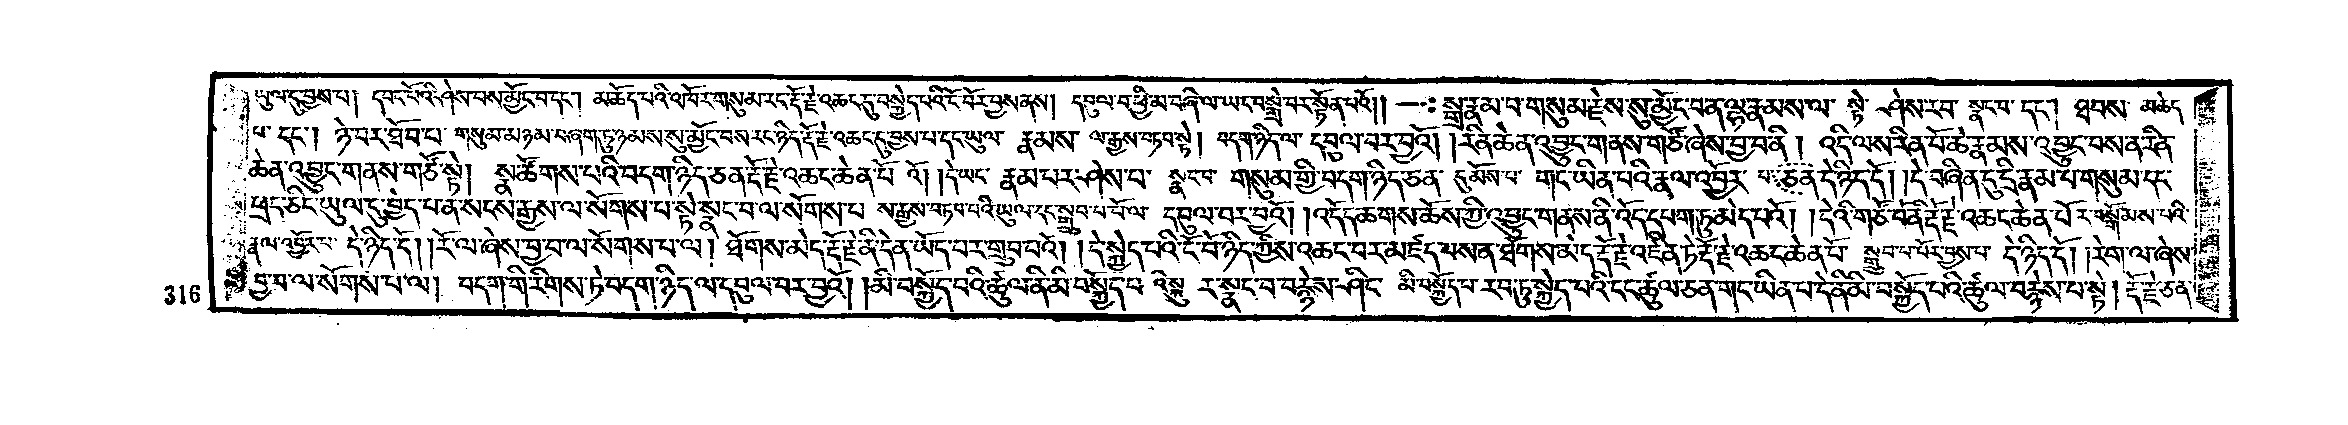ཡུལ་དུ་བྱས་པ། དབང་པོའི་ཤེས་པས་མྱོང་བ་དང་། མཆོད་པའི་འཁོར་གསུམ་རང་རྡོ་རྗེ་འཆང་དུ་བསྐྱེད་པའི་ངོ་བོར་བྱས་ནས། དབུལ་བ་ཕྱི་མ་བཞི་ལ་ཡང་བསྒྲེ་བར་སྟེན་པའོ།།  .H སྒྲ་རྣམ་པ་གསུམ་རྗེས་སུ་མྱོང་བ་ན་ལྷ་རྣམས་ལ་སྟེ་ཤེས་རབ་སྣང་བ་དང་། ཐབས་མཆེད་
པ་དང་། ཉེ་བར་ཐོབ་པ་གསུམ་མཉམ་བཞག་ཏུ་ཉམས་སུ་མྱོང་བས་རང་ཉིད་རྡོ་རྗེ་འཆང་དུ་བྱས་པ་དང་ཡུལ་རྣམས་ལ་རྒྱས་བཏབ་སྟེ། བདག་ཉིད་ལ་དབུལ་བར་བྱའོ། །རིན་ཆེན་འབྱུང་གནས་གཙོ་ཞེས་བྱ་བ་ནི། འདི་ལས་རིན་པོ་ཆེ་རྣམས་འབྱུང་བས་ན་རིན་
ཆེན་འབྱུང་གནས་གཙོ་སྟེ། སྣ་ཚོགས་པའི་བདག་ཉིད་ཅན་རྡོ་རྗེ་འཆང་ཆེན་པོའོ། །དེ་ཡང་རྣམ་པར་ཤེས་པ་སྣང་བ་གསུམ་གྱི་བདག་ཉིད་ཅན་དུ་མོས་པ་གང་ཡིན་པའི་རྣལ་འབྱོར་པ་ཅན་དེ་ཉིད་དོ། །དེ་བཞིན་དུ་དྲི་རྣམ་པ་གསུམ་དང་
ཕྲད་ཅིང་ཡུལ་དུ་བྱེད་པ་ན་སངས་རྒྱས་ལ་སོགས་པ་སྟེ་སྣང་བ་ལ་སོགས་པས་རྒྱས་བཏབ་པའི་ཡུལ་དང་སྒྲུབ་པ་པོ་ལ་དབུལ་བར་བྱའོ། །འདོད་ཆགས་ཆོས་ཀྱི་འབྱུང་གནས་ནི་འོད་དཔག་ཏུ་མེད་པའོ། །དེའི་གཙོ་བོ་ནི་རྡོ་རྗེ་འཆང་ཆེན་པོར་བསྒོམས་པའི
རྣལ་འབྱོར་པ་དེ་ཉིད་དོ། །རོ་ལ་ཞེས་བྱ་བ་ལ་སོགས་པ་ལ། ཐོགས་མེད་རྡོ་རྗེ་ནི་དོན་ཡོད་པར་གྲུབ་པའོ། །དེ་སྐྱེད་པའི་ངོ་བོ་ཉིད་ཀྱིས་འཆང་བར་མཛད་པས་ན་ཐོགས་མེད་རྡོ་རྗེ་འཛིན་ཏེ་རྡོ་རྗེ་འཆང་ཆེན་པོ་སྒྲུབ་པ་པོར་བྱས་པ་དེ་ཉིད་དོ། །རེག་ལ་ཞེས་
བྱ་བ་ལ་སོགས་པ་ལ། བདག་གི་རིགས་ཏེ་བདག་ཉིད་ལ་དབུལ་བར་བྱའོ། །མི་བསྐྱོད་པའི་ཚུལ་ནི་མི་བསྐྱོད་པའི་སྐུར་སྣང་བ་བརྙེས་ཤིང་མི་བསྐྱོད་པ་རབ་ཏུ་སྐྱེད་པའི་ངང་ཚུལ་ཅན་གང་ཡིན་པ་དེ་ནི་མི་བསྐྱོད་པའི་ཚུལ་བརྙེས་པ་སྟེ། རྡོ་རྗེ་ཅན་